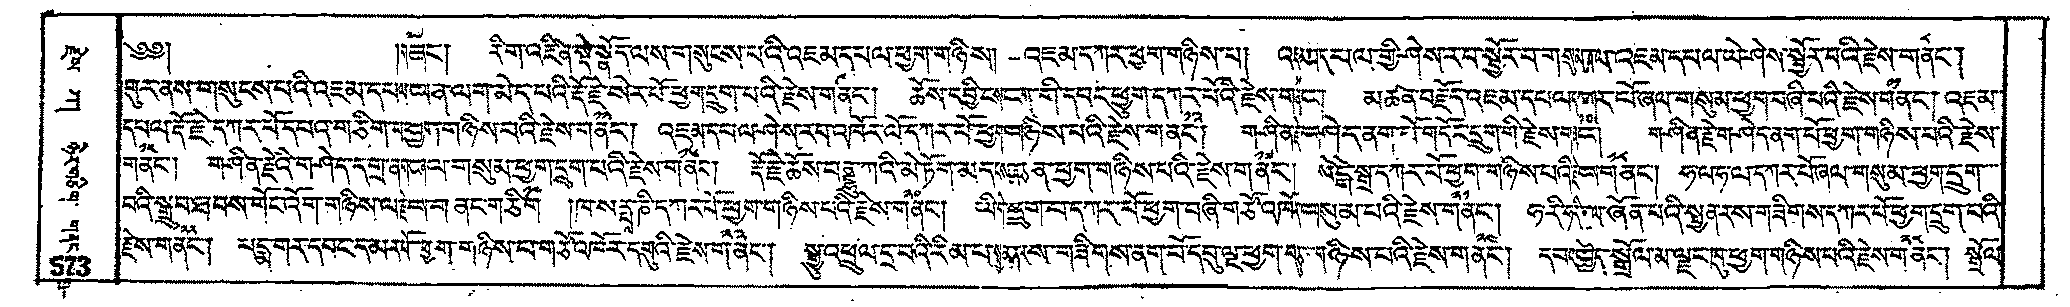༄༅། །གནང་། རིག་འཛིན་སྡེ་སྣོད་ལས་གསུངས་པའི་འཇམ་དཔལ་ཕྱག་གཉིས། འཇམ་དཀར་ཕྱག་གཉིས་པ། འཇམ་དཔལ་གྱི་ཤེས་རབ་སྦྱོར་བ་གསུམ་ལ་འཇམ་དཔལ་ཡེ་ཤེས་སྦྱོར་བའི་རྗེས་གནང་།
གུར་ནས་གསུངས་པའི་འཇམ་དཔལ་ཡན་ལག་མེད་པའི་རྡོ་རྗེ་སེར་པོ་ཕྱག་དྲུག་པའི་རྗེས་གནང་། ཆོས་དབྱིངས་ངག་གི་དབང་ཕྱུག་དཀར་པོའི་རྗེས་གནང་། མཚན་བརྗོད་འཇམ་དཔལ་དཀར་པོ་ཞལ་གསུམ་ཕྱག་བཞི་པའི་རྗེས་གནང་། འཇམ་
དཔལ་རྡོ་རྗེ་དཀར་པོ་དཔའ་གཅིག་པ་ཕྱག་གཉིས་པའི་རྗེས་གནང་། འཇམ་དཔལ་ཤེས་རབ་འཁོར་ལོ་དཀར་པོ་ཕྱག་གཉིས་པའི་རྗེས་གནང་། གཤིན་རྗེ་གཤེད་ནག་པོ་གདོང་དྲུག་གི་རྗེས་གནང་། གཤིན་རྗེ་གཤེད་ནག་པོ་ཕྱག་གཉིས་པའི་རྗེས་
གནང་། གཤིན་རྗེའི་གཤེད་དགྲ་ནག་ཞལ་གསུམ་ཕྱག་དྲུག་པའི་རྗེས་གནང་། རྡོ་རྗེ་ཆོས་བནྡྷུ་ཀའི་མེ་ཏོག་མདངས་ཅན་ཕྱག་གཉིས་པའི་རྗེས་གནང་། སེངྒེ་སྒྲ་དཀར་པོ་ཕྱག་གཉིས་པའི་རྗེས་གནང་། ཧ་ལ་ཧ་ལ་དཀར་པོ་ཞལ་གསུམ་ཕྱག་དྲུག་
པའི་སྒྲུབ་ཐབས་གོང་འོག་གཉིས་ལ་རྗེས་གནང་གཅིག །ཁ་སརྤཱ་ཎི་དཀར་པོ་ཕྱག་གཉིས་པའི་རྗེས་གནང་། ཡི་གེ་དྲུག་པ་དཀར་པོ་ཕྱག་བཞི་གཙོ་འཁོར་གསུམ་པའི་རྗེས་གནང་། ཧ་རི་ཧ་རི་ལ་ཞོན་པའི་སྤྱན་རས་གཟིགས་དཀར་པོ་ཕྱག་དྲུག་པའི་
རྗེས་གནང་། པདམ་གར་དབང་དམར་པོ་ཕྱག་གཉིས་པ་གཙོ་འཁོར་དགུའི་རྗེས་གནང་། སྒྱུ་འཕྲུལ་དྲ་བའི་རིམ་པ་སྤྱན་རས་གཟིགས་ནག་པོ་དབུ་ལྔ་ཕྱག་བཅུ་གཉིས་པའི་རྗེས་གནང་། དབང་བྱེད་སྒྲོལ་མ་ལྗང་ཁུ་ཕྱག་གཉིས་པའི་རྗེས་གནང་། སྒྲོལ་